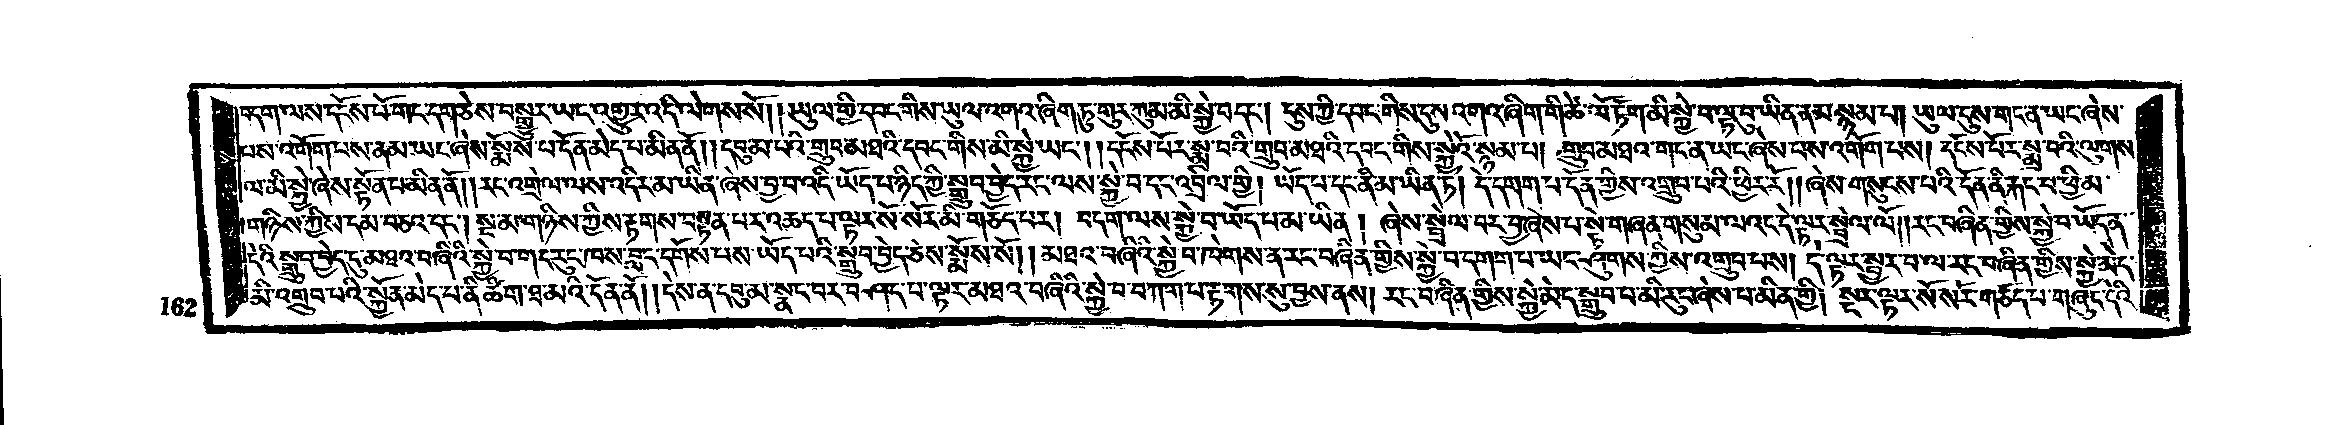བདག་ལས་དངོས་པོ་གང་དག་ཅེས་བསྒྱུར་ཡང་འགྱུར་འདི་ལེགས་སོ། །ཡུལ་གྱི་དབང་གིས་ཡུལ་འགའ་ཞིག་ཏུ་གུར་ཀུམ་མི་སྐྱེ་བ་དང་། དུས་ཀྱི་དབང་གིས་དུས་འགའ་ཞིག་གི་ཚེ་ལོ་ཏོག་མི་སྐྱེ་བ་ལྟ་བུ་ཡིན་ནམ་སྙམ་པ། ཡུལ་དུས་གང་ན་ཡང་ཞེས་
པས་འགོག་པས་ནམ་ཡང་ཞེས་སྨོས་པ་དོན་མེད་པ་མིན་ནོ། །དབུ་མ་པའི་གྲུབ་མཐའི་དབང་གིས་མི་སྐྱེ་ཡང་། །དངོས་པོར་སྨྲ་བའི་གྲུབ་མཐའི་དབང་གིས་སྐྱེའོ་སྙམ་པ། གྲུབ་མཐའ་གང་ན་ཡང་ཞེས་པས་འགོག་པས། དངོས་པོར་སྨྲ་བའི་ལུགས་
ལ་མི་སྐྱེ་ཞེས་སྟོན་པ་མིན་ནོ། །རང་འགྲེལ་ལས་འདིར་མ་ཡིན་ཞེས་བྱ་བ་འདི་ཡོད་པ་ཉིད་ཀྱི་སྒྲུབ་བྱེད་རང་ལས་སྐྱེ་བ་དང་འབྲེལ་གྱི། ཡོད་པ་དང་ནི་མ་ཡིན་ཏེ། དེ་དགག་པ་དོན་གྱིས་འགྲུབ་པའི་ཕྱིར་རོ། །ཞེས་གསུངས་པའི་དོན་ནི་རྐང་པ་ཕྱི་མ་
གཉིས་ཀྱིས་དམ་བཅའ་དང་། སྔ་མ་གཉིས་ཀྱིས་རྟགས་བསྟན་པར་འཆད་པ་ལྟར་སོ་སོར་མི་གཅོད་པར། བདག་ལས་སྐྱེ་བ་ཡོད་པ་མ་ཡིན། ཞེས་སྦྲེལ་བར་བྱ་ཞེས་པ་སྟེ་གཞན་གསུམ་ལའང་དེ་ལྟར་སྦྲེལ་ལོ། །རང་བཞིན་གྱིས་སྐྱེ་བ་ཡོད་ན་
དེའི་སྒྲུབ་བྱེད་དུ་མཐའ་བཞིའི་སྐྱེ་བ་གང་རུང་ཁས་བླང་དགོས་པས་ཡོད་པའི་སྒྲུབ་བྱེད་ཅེས་སྨོས་སོ། །མཐའ་བཞིའི་སྐྱེ་བ་ཁེགས་ན་རང་བཞིན་གྱིས་སྐྱེ་བ་དགག་པ་ཡང་ཤུགས་ཀྱིས་འགྲུབ་པས། དེ་ལྟར་སྦྱར་བ་ལ་རང་བཞིན་གྱིས་སྐྱེ་མེད་
མི་འགྲུབ་པའི་སྐྱོན་མེད་པ་ནི་ཚིག་ཐ་མའི་དོན་ནོ། །དེས་ན་དབུ་མ་སྣང་བར་བཤད་པ་ལྟར་མཐའ་བཞིའི་སྐྱེ་བ་བཀག་པ་རྟགས་སུ་བྱས་ནས། རང་བཞིན་གྱིས་སྐྱེ་མེད་སྒྲུབ་པ་མི་རུང་ཞེས་པ་མིན་གྱི། སྔར་ལྟར་སོ་སོར་གཅོད་པ་གཞུང་དེའི་